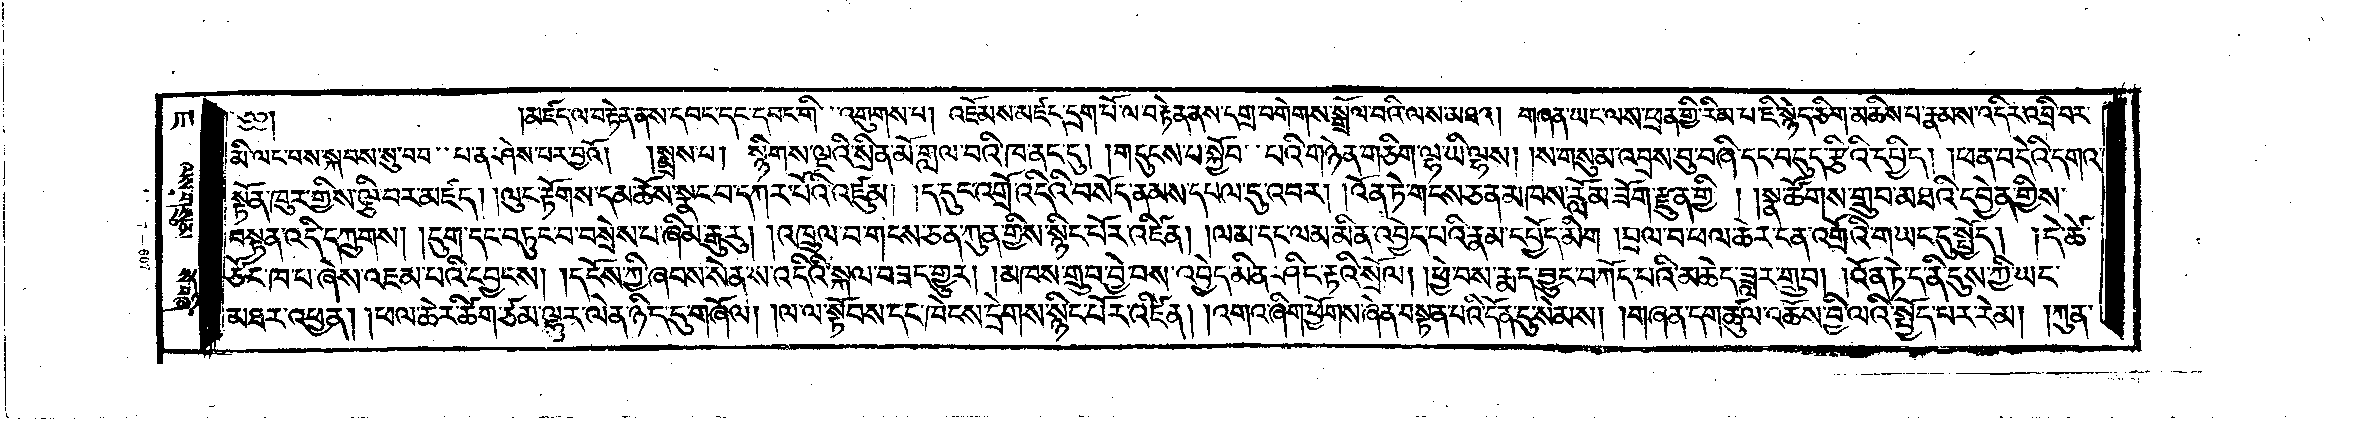༄༅། །མཛད་ལ་བརྟེན་ནས་དབང་དང་དབང་གི་འགུགས་པ། འཇོམས་མཛད་དྲག་པོ་ལ་བརྟེན་ནས་དགྲ་བགེགས་སྒྲོལ་བའི་ལས་མཐའ། གཞན་ཡང་ལས་ཕྲན་གྱི་རིམ་པ་ཇི་སྙེད་ཅིག་མཆིས་པ་རྣམས་འདིར་འབྲི་བར་
མི་ལང་བས་སྐབས་སུ་བབ་པ་ན་ཤེས་པར་བྱའོ། །སྨྲས་པ། སྙིགས་ལྔའི་སྲིན་མོ་གླལ་བའི་ཁ་ནང་དུ། །གདུངས་པ་སྐྱོབ་པའི་གཉེན་གཅིག་ལྷ་ཡི་ལྷས། །ས་གསུམ་འབྲས་བུ་བཞི་དང་བདུད་རྩིའི་དཔྱིད། །ཕན་བདེའི་དགའ་
སྟོང་ཁུར་གྱིས་ལྕི་བར་མཛད། །ལུང་རྟོགས་དམ་ཆོས་སྣང་བ་དཀར་པོའི་འཛུམ། །ད་དུང་འགྲོ་འདིའི་བསོད་ནམས་དཔལ་དུ་འབར། །འོན་ཏེ་གངས་ཅན་མཁས་རློམ་ཟོག་རྫུན་གྱི། །སྣ་ཚོགས་གྲུབ་མཐའི་དབྱེན་གྱིས་
བསྟན་འདི་དཀྲུགས། །དྲུག་དང་བཏུང་བ་བསྲེས་པ་ཞིམ་རྒུ་རུ། །འཁྲུལ་བ་གངས་ཅན་ཀུན་གྱིས་སྙིང་པོར་འཛིན། །ལམ་དང་ལམ། མིན་འབྱེད་པའི་རྣམ་དཔྱོད་མིག །བྲལ་བ་ཕལ་ཆེར་ངན་འགྲོའི་གཡང་དུ་སྤྱོད། །དེ་ཚེ་
ཙོང་ཁ་པ་ཞེས་འཇམ་པའི་དབྱངས། །དངོས་ཀྱི་ཞབས་སེན་ས་འདིའི་སྐལ་བཟང་གྱུར། །མཁས་གྲུབ་བྱེ་བས་འབྱེད་མིན་ཤིང་རྟའི་སྲོལ། །ཕྱེ་བས་རྨད་བྱུང་བཀོད་པའི་མཆེད་ཟླར་གྲུབ། །འོན་ཏེ་ད་ནི་དུས་ཀྱི་ཡང་
མཐར་འཕྱན། །ཕལ་ཆེར་ཆོག་ཙམ་ལྷུར་ལེན་ཉིད་དུ་གཞོལ། །ལ་ལ་སྟོབས་དང་ཁེངས་དྲེགས་སྙིང་པོར་འཛིན། །འགའ་ཞིག་ཕྱོགས་ཞེན་བསྟན་པའི་དོན་དུ་སེམས། །གཞན་དག་ཚུལ་འཆོས་ཕྱི་ལའི་སྤྱོད་པར་རེ་མ། །ཀུན་